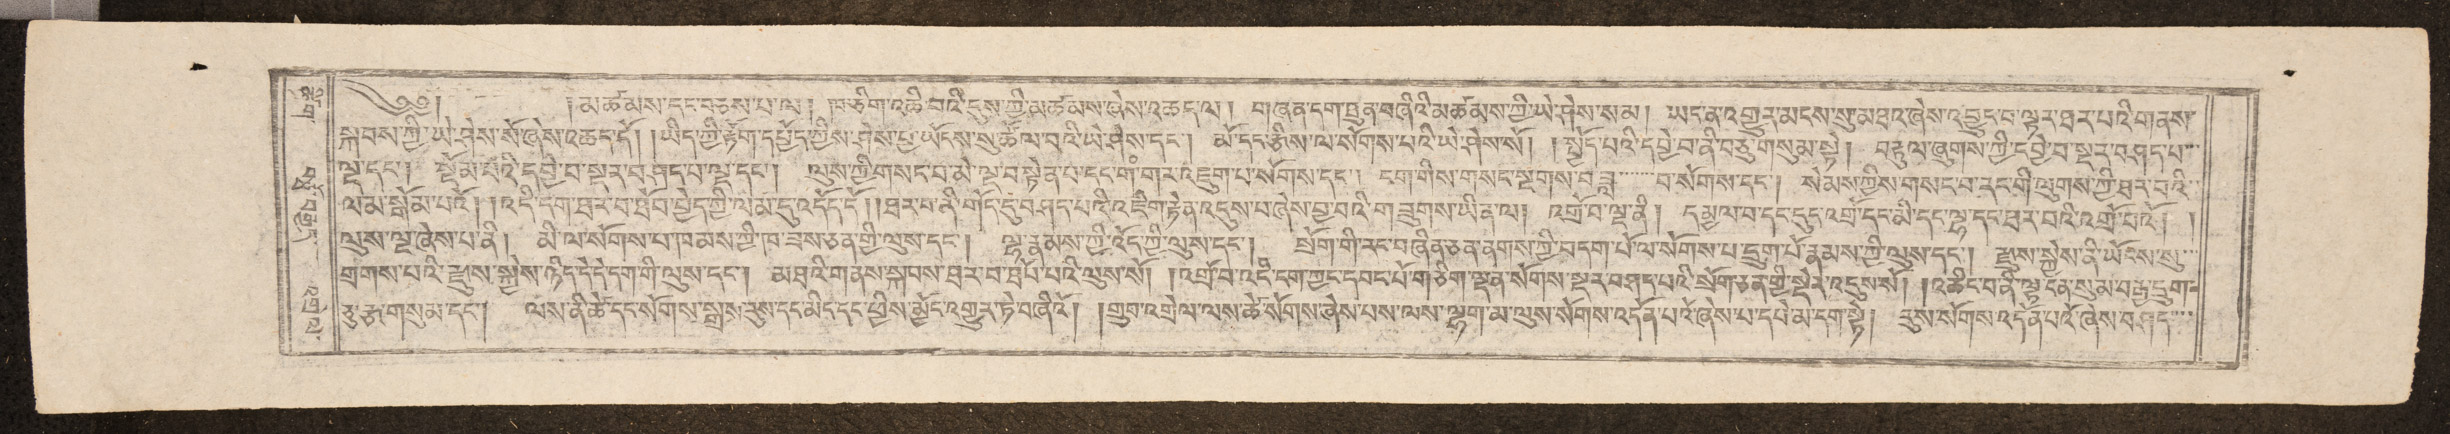༄༅། །མཚམས་དང་བཅས་པ་ལ། ཁ་ཅིག་འཆི་བའི་དུས་ཀྱི་མཚམས་ཞེས་འཆད་ལ། གཞན་དག་ཐུན་བཞིའི་མཚམས་ཀྱི་ཡེ་ཤེས་སམ། ཡང་ན་འགྱུར་མངས་སུ་མཐའ་ཞེས་འབྱུང་བ་ལྟར་ཐར་པའི་གནས་
སྐབས་ཀྱི་ཡེ་ཤེས་སོ་ཞེས་འཆད་དོ། །ཡིད་ཀྱི་རྟོག་དཔྱོད་ཀྱིས་ཤེས་བྱ་ཡོངས་སུ་ཚོལ་བའི་ཡེ་ཤེས་དང་། མོ་དང་རྩིས་ལ་སོགས་པའི་ཡེ་ཤེས་སོ། །སྤྱོད་པའི་དབྱེ་བ་ནི་བཅུ་གསུམ་སྟེ། བརྟུལ་ཞུགས་ཀྱི་དབྱེ་བ་སྔར་བཤད་པ་
ལྔ་དང་། སྔོམ་པའི་དབྱེ་བ་སྔར་བཤད་པ་ལྔ་དང་། ལུས་ཀྱི་གསང་བ་མེ་ལྔ་བསྟེན་པ་དང་གཾ་གར་འཇུག་པ་སོགས་དང་། ངག་གིས་གསང་སྔགས་བཟླ་བ་སོགས་དང་། སེམས་ཀྱིས་གསང་བ་རང་གི་ལུགས་ཀྱི་ཐར་བའི་
ལམ་སྒོམ་པའོ། །འདི་དག་ཐར་བ་ཐོབ་བྱེད་ཀྱི་ལམ་དུ་འདོད་དོ། །ཐར་བ་ནི་གོང་དུ་བཤད་པའི་འཇིག་རྟེན་འདུས་པ་ཞེས་བྱ་བའི་གཟུགས་ཡིན་ལ། འགྲོ་བ་ལྔ་ནི། དམྱལ་བ་དང་དུད་འགྲོ་དང་མི་དང་ལྷ་དང་ཐར་པའི་འགྲོ་བའོ། །
ལུས་ལྔ་ཞེས་པ་ནི། མི་ལ་སོགས་པ་ཁམས་ཀྱི་ཁ་ཟས་ཅན་གྱི་ལུས་དང་། ལྷ་རྣམས་ཀྱི་འོད་ཀྱི་ལུས་དང་། སྲོག་གི་རང་བཞིན་ཅན་ནགས་ཀྱི་བདག་པོ་ལ་སོགས་པ་དྲུག་པོ་རྣམས་ཀྱི་ལུས་དང་། རྫུས་སྐྱེས་ནི་ཡོངས་སུ་
གྲགས་པའི་རྫུས་སྐྱེས་ཉིད་དེ་དེ་དག་གི་ལུས་དང་། མཐའི་གནས་སྐབས་ཐར་བ་ཐོབ་པའི་ལུས་སོ། །འགྲོ་བ་འདི་དག་ཀྱང་དབང་པོ་གཅིག་ལྡན་སོགས་སྔར་བཤད་པའི་སྲོག་ཅན་གྱི་སྡེར་འདུས་སོ། །འཆིང་བ་ནི་ལྟ་ངན་སུམ་བརྒྱ་དྲུག་
ཅུ་རྩ་གསུམ་དང་། ལས་ནི་ཚེ་དང་སོགས་སྒྲས་རུས་དང་མིང་དང་ཕྱིས་མྱོང་འགྱུར་ཏེ་བཞིའོ། །གྲུབ་འགྲེལ་ལས་ཚེ་སོགས་ཞེས་པས་ལས་ལྷག་མ་ལུས་སོགས་འདོན་པའོ་ཞེས་པ་དཔེ་མ་དག་སྟེ། རུས་སོགས་འདོན་པའོ་ཞེས་བཤད་